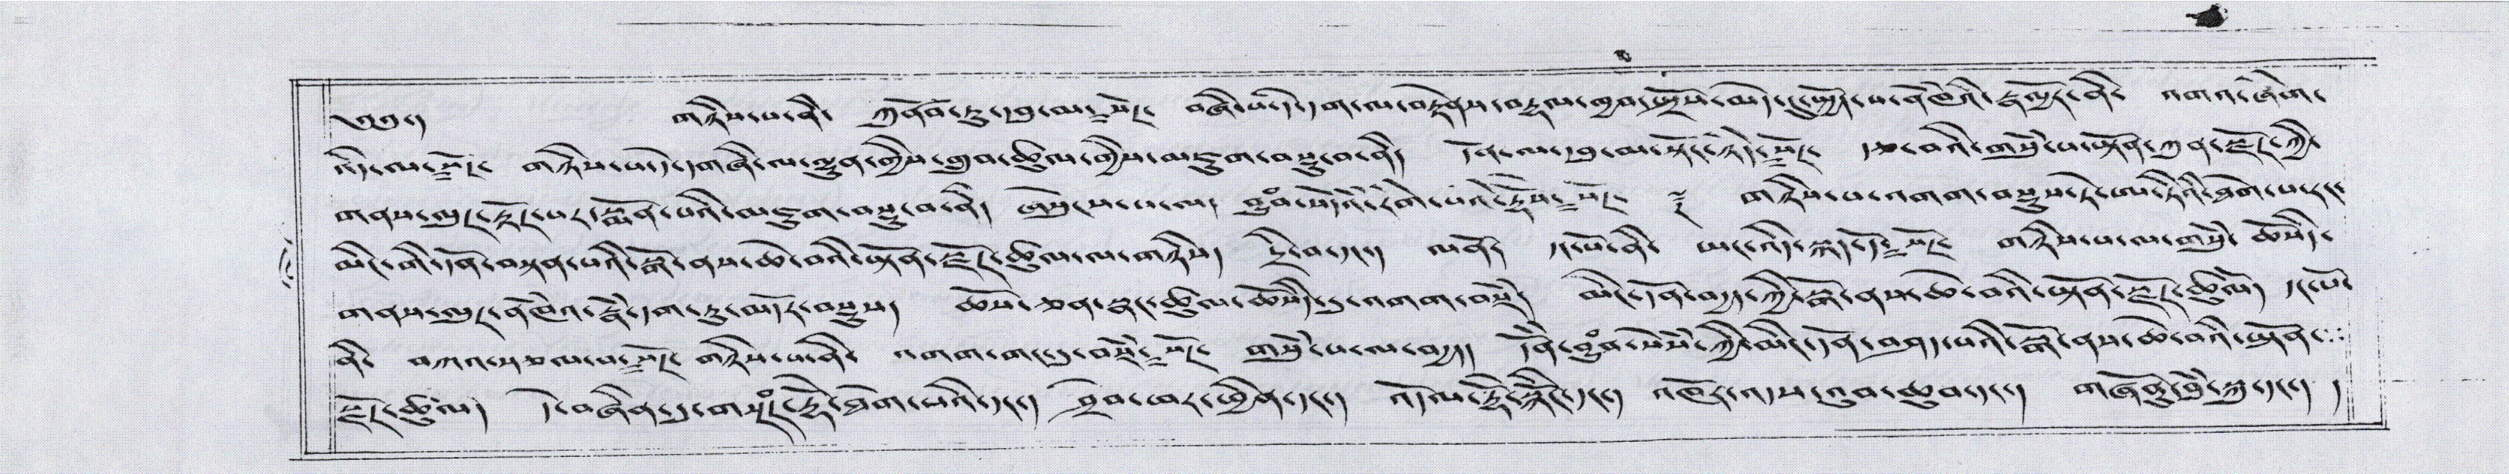གཉིས་པ་ནི། ཀུན་རྫོབ་ཏུ་དབུ་མ་སོགས། བཞི་པ་དེ་དག་ལ་བརྟེན་ནས་བརྡལ་ཁྱབ་སྤྲོས་མེད་དུ་སྤྱོད་པ་ནམ་མཁའི་རྣལ་འབྱོར་ནི། འགའ་ཞིག་
འདི་ལ་སོགས། གཉིས་པ་དེ་དག་གཞི་ལ་ལྷུན་གྲུབ་གྱིས་གྲུབ་ཚུལ་གྱིས་མཇུག་བསྡུ་བ་ནི། དོན་ལ་དབུ་མ་སྟོང་ཉིད་སོགས། རྩ་བའི་གསུམ་པ་ཡོན་ཏན་ཀུན་རྫོགས་ཀྱི་
གནས་ལུགས་རྟོགས་པར་སྨོན་པའི་མཇུག་བསྡུ་བ་ནི། ཞེས་གསུགས་པ་ལ། བྱང་ཆུབ་སེམས་དཔའ་རིག་པའི་རྡོ་རྗེས་སོགས། ༑ གཉིས་པ་འགག་བསྡུས་ཏེ་ཨ་ཏིའི་ཐེག་པ་རང་
མིང་གི་དོན་བསྟན་པའི་སྒོ་ནས་ཆེ་བའི་ཡོན་ཏན་རྫོག་ཚུལ་ལ་གཉིས། དྲི་བ་དང་ལན་ནོ། དང་པོ་ནི། ཡང་འདི་སྐད་དོ་སོགས། གཉིས་པ་ལ་གསུམ། ཆོས་ཉིད་
གནས་ལུགས་ནམ་མཁའ་རྣམ་དག་ཏུ་མདོར་བསྡུས། ཆོས་ཅན་སྣང་ཚུལ་ཆོས་ཉིད་དུ་འགག་བསྡོམ། མིང་དོན་བརྒྱད་ཀྱི་སྒོ་ནས་ཆེ་བའི་ཡོན་ཏན་རྫོགས་ཚུལ་ལོ། དང་པོ་
ནི། བཀའ་སྩལ་བ་སོགས། གཉིས་ཡིན། འགག་གང་དུ་བསྡམ་སོགས། གསུམ་པ་ལ་བརྒྱད། དོན་དམ་བྱང་ཆུབ་སེམས་ཀྱི་མིང་དོན་བཤད་པའི་སྒོ་ནས་ཆེ་བའི་ཡོན་ཏན་
རྫོགས་ཚུལ། དེ་བཞིན་དུ་གསང་སྔགས་རྡོ་རྗེ་ཐེག་པའི་དང། ཤེས་རབ་ཕར་ཕྱིན་དང། འདོལ་རྡོ་རྗེ་སྙིང་པོ་དང། འཁོར་འདས་འུབ་ཆུབ་དང། གཞོན་ནུ་བུམ་སྐུ་དང།